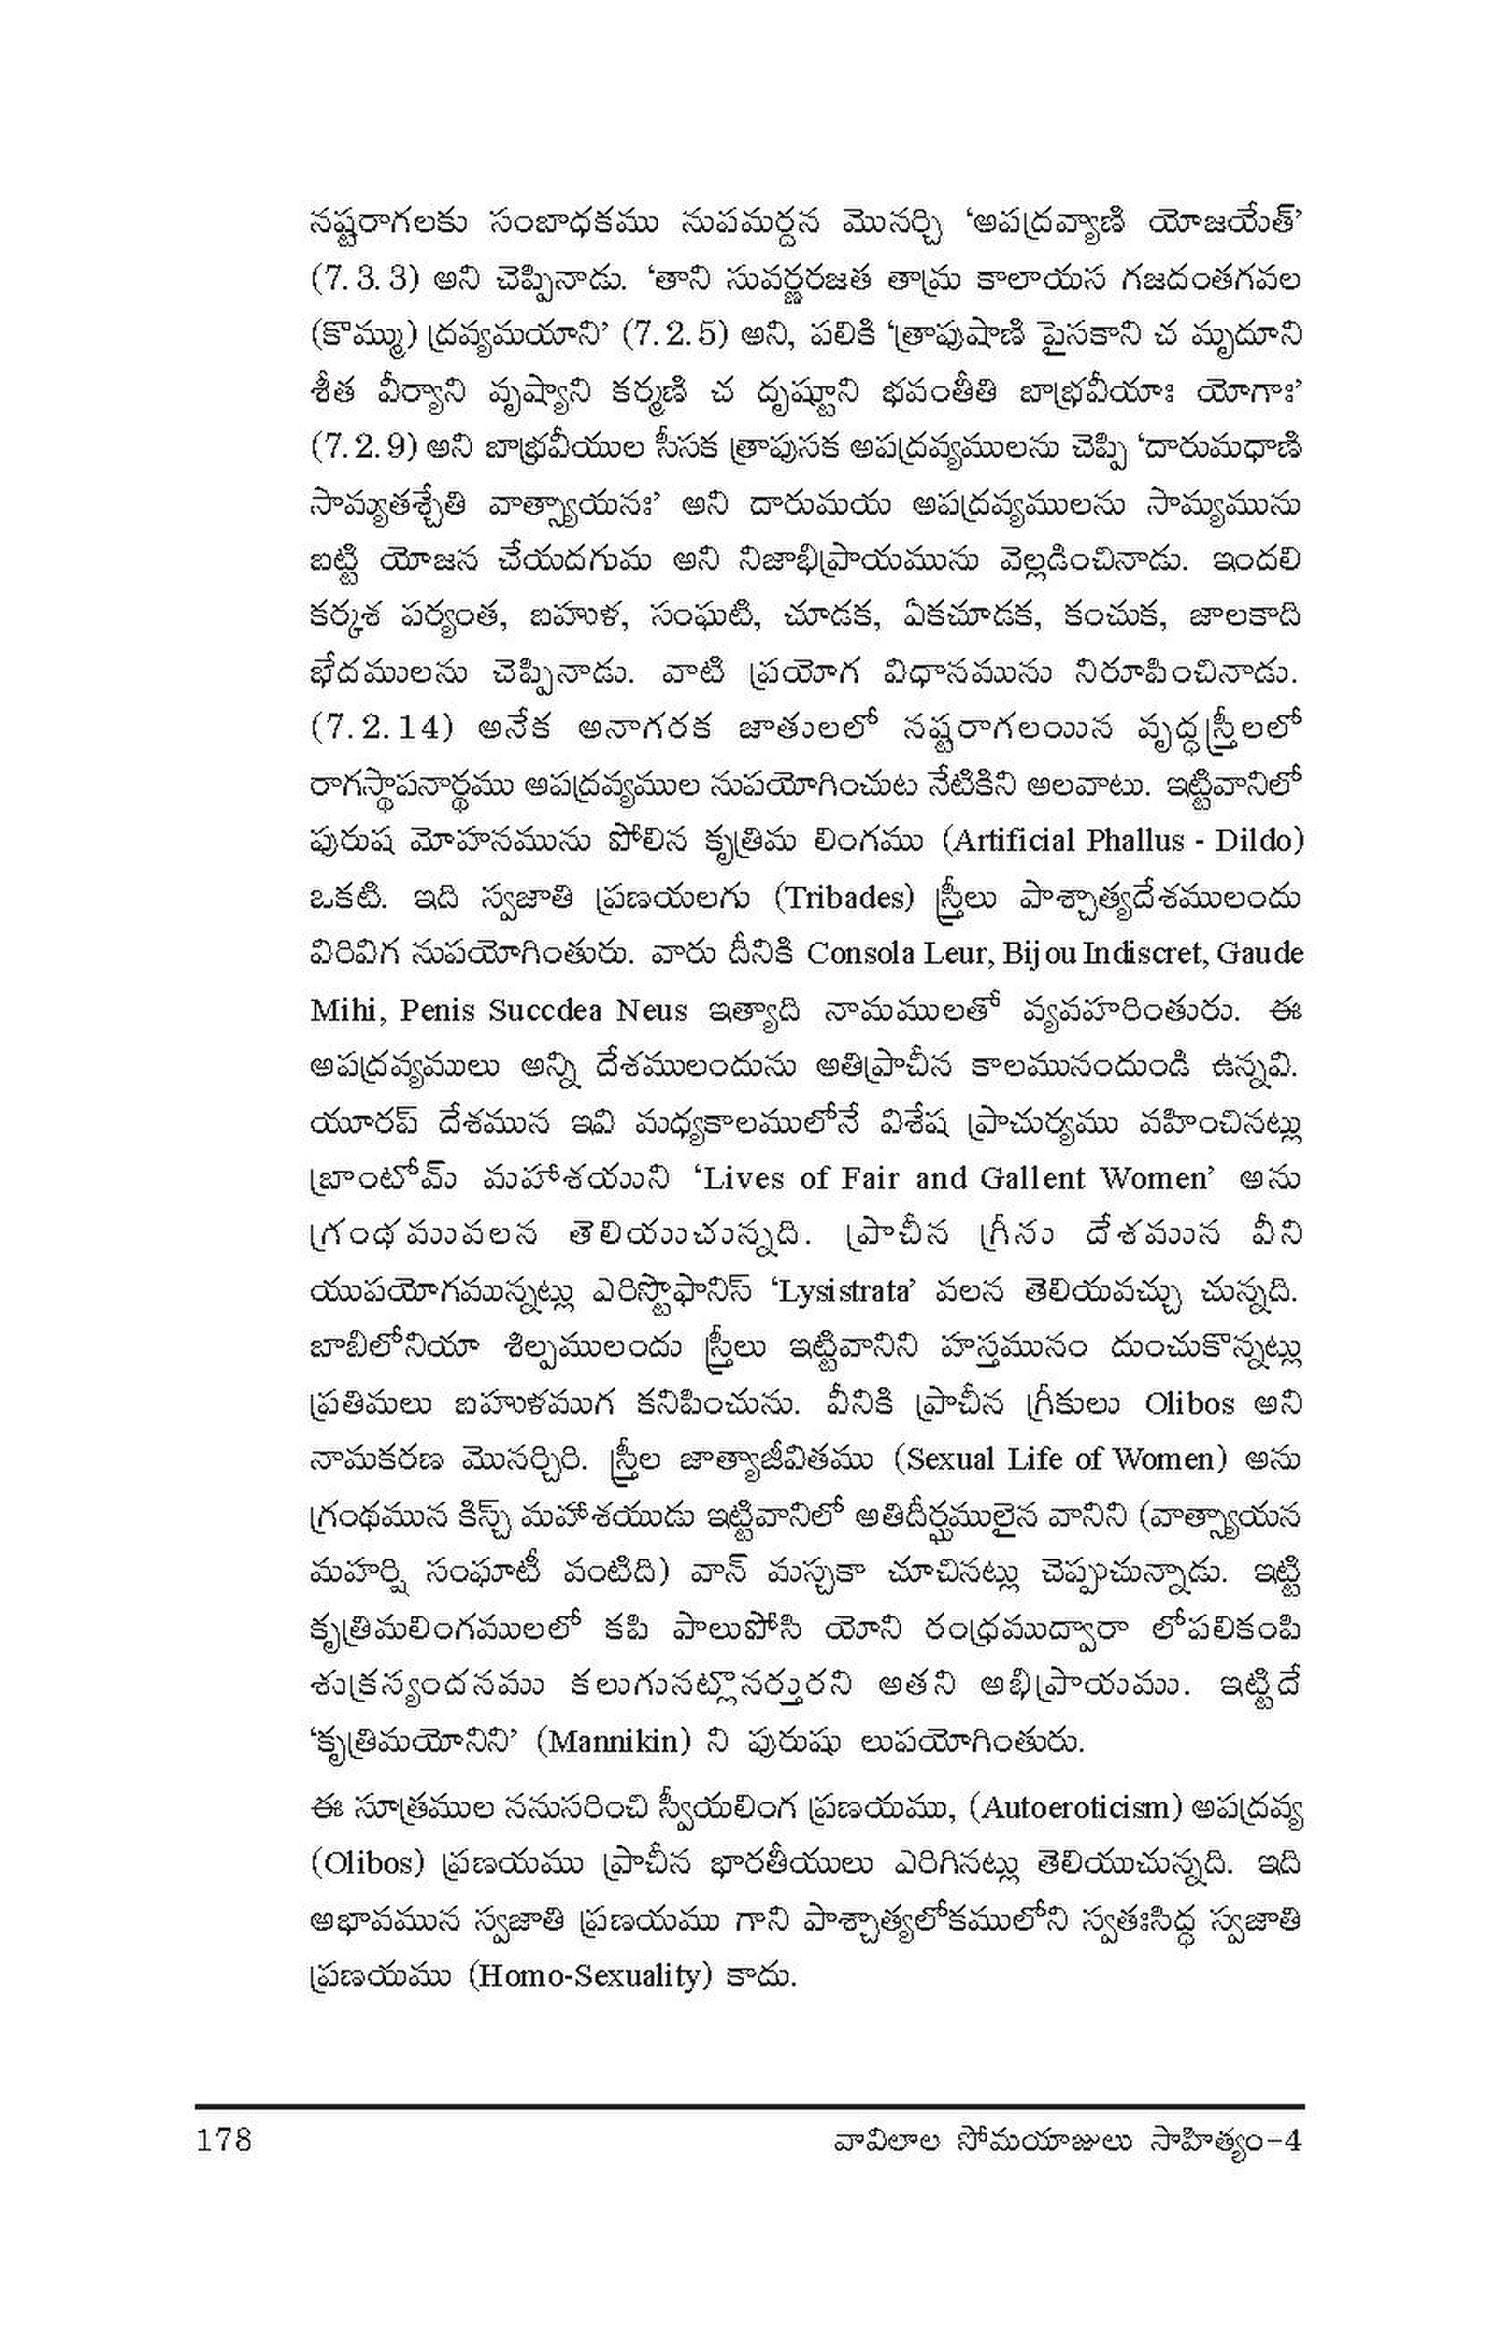నష్టరాగలకు సంబాధకము నుపమర్దన మొనర్చి 'అపద్రవ్యాణి యోజయేత్'
(7.3.3) అని చెప్పినాడు. 'తాని సువర్ణరజత తామ్ర కాలాయన గజదంతగవల
(కొమ్ము) ద్రవ్యమయాని' (7.2.5) అని, పలికి త్రా పుషాణి పైసకాని చ మృదూని
శీత వీర్యాని వృష్యాని కర్మణి చ దృష్టూని భవంతీతి బాభ్రవీయాః యోగాః'
(7.2.9) అని బాభ్రవీయుల సీసక త్రాపుసక అపద్రవ్యములను చెప్పి 'దారుమధాణి
సామ్యతశ్చేతి వాత్స్యాయనః' అని దారుమయ అపద్రవ్యములను సామ్యమును
బట్టి యోజన చేయదగుమ అని నిజాభిప్రాయమును వెల్లడించినాడు. ఇందలి
కర్కశ పర్యంత, బహుళ, సంఘటి, చూడక, ఏకచూడక, కంచుక, జాలకాది
భేదములను చెప్పినాడు. వాటి ప్రయోగ విధానమును నిరూపించినాడు.
(7.2.14) అనేక అనాగరిక జాతులలో నష్టరాగలయిన వృద్ధ స్త్రీలలో
రాగస్థాపనార్థము అపద్రవ్యముల నుపయోగించుట నేటికిని అలవాటు. ఇట్టివానిలో
పురుష మోహనమును పోలిన కృత్రిమ లింగము (Artificial Phallus - Dildo)
ఒకటి. ఇది స్వజాతి ప్రణయలగు (Tribades) స్త్రీలు పాశ్చాత్యదేశములందు
విరివిగ నుపయోగింతురు. వారు దీనికి Consola Leur, Bijou Indiscret, Gaude
Mihi, Penis Succdea Neus ఇత్యాది నామములతో వ్యవహరింతురు. ఈ
అపద్రవ్యములు అన్ని దేశములందును అతి ప్రాచీన కాలమునందుండి ఉన్నవి.
యూరప్ దేశమున ఇవి మధ్యకాలములోనే విశేష ప్రాచుర్యము వహించినట్లు
బ్రాంటోమ్ మహాశయుని 'Lives of Fair and Gallent Women’ అను
గ్రంథమువలన తెలియుచున్నది. ప్రాచీన గ్రీసు దేశమున వీని
యుపయోగమున్నట్లు ఎరిస్టోఫానిస్ 'Lysistrata' వలన తెలియవచ్చు చున్నది.
బాబిలోనియా శిల్పములందు స్త్రీలు ఇట్టివానిని హస్తమునం దుంచుకొన్నట్లు
ప్రతిమలు బహుళముగ కనిపించును. వీనికి ప్రాచీన గ్రీకులు Olibos అని
నామకరణ మొనర్చిరి. స్త్రీల జాత్యాజీవితము (Sexual Life of Women) అను
గ్రంథమున కిస్చ్ మహాశయుడు ఇట్టివానిలో అతిదీర్ఘములైన వానిని (వాత్స్యాయన
మహర్షి సంఘాటీ వంటిది) వాన్ మస్చకా చూచినట్లు చెప్పుచున్నాడు. ఇట్టి
కృత్రిమలింగములలో కపి పాలుపోసి యోని రంధ్రముద్వారా లోపలికంపి
శుక్రస్యందనము కలుగునట్లొనర్తురని అతని అభిప్రాయము. ఇట్టిదే
'కృత్రిమయోనిని' (Mannikin) ని పురుషు లుపయోగింతురు.
ఈ సూత్రముల ననుసరించి స్వీయలింగ ప్రణయము, (Autoeroticism) అపద్రవ్య
(Olibos) ప్రణయము ప్రాచీన భారతీయులు ఎరిగినట్లు తెలియుచున్నది. ఇది
అభావమున స్వజాతి ప్రణయము గాని పాశ్చాత్యలోకములోని స్వతఃసిద్ధ స్వజాతీ
ప్రణయము (Homo-Sexuality) కాదు.